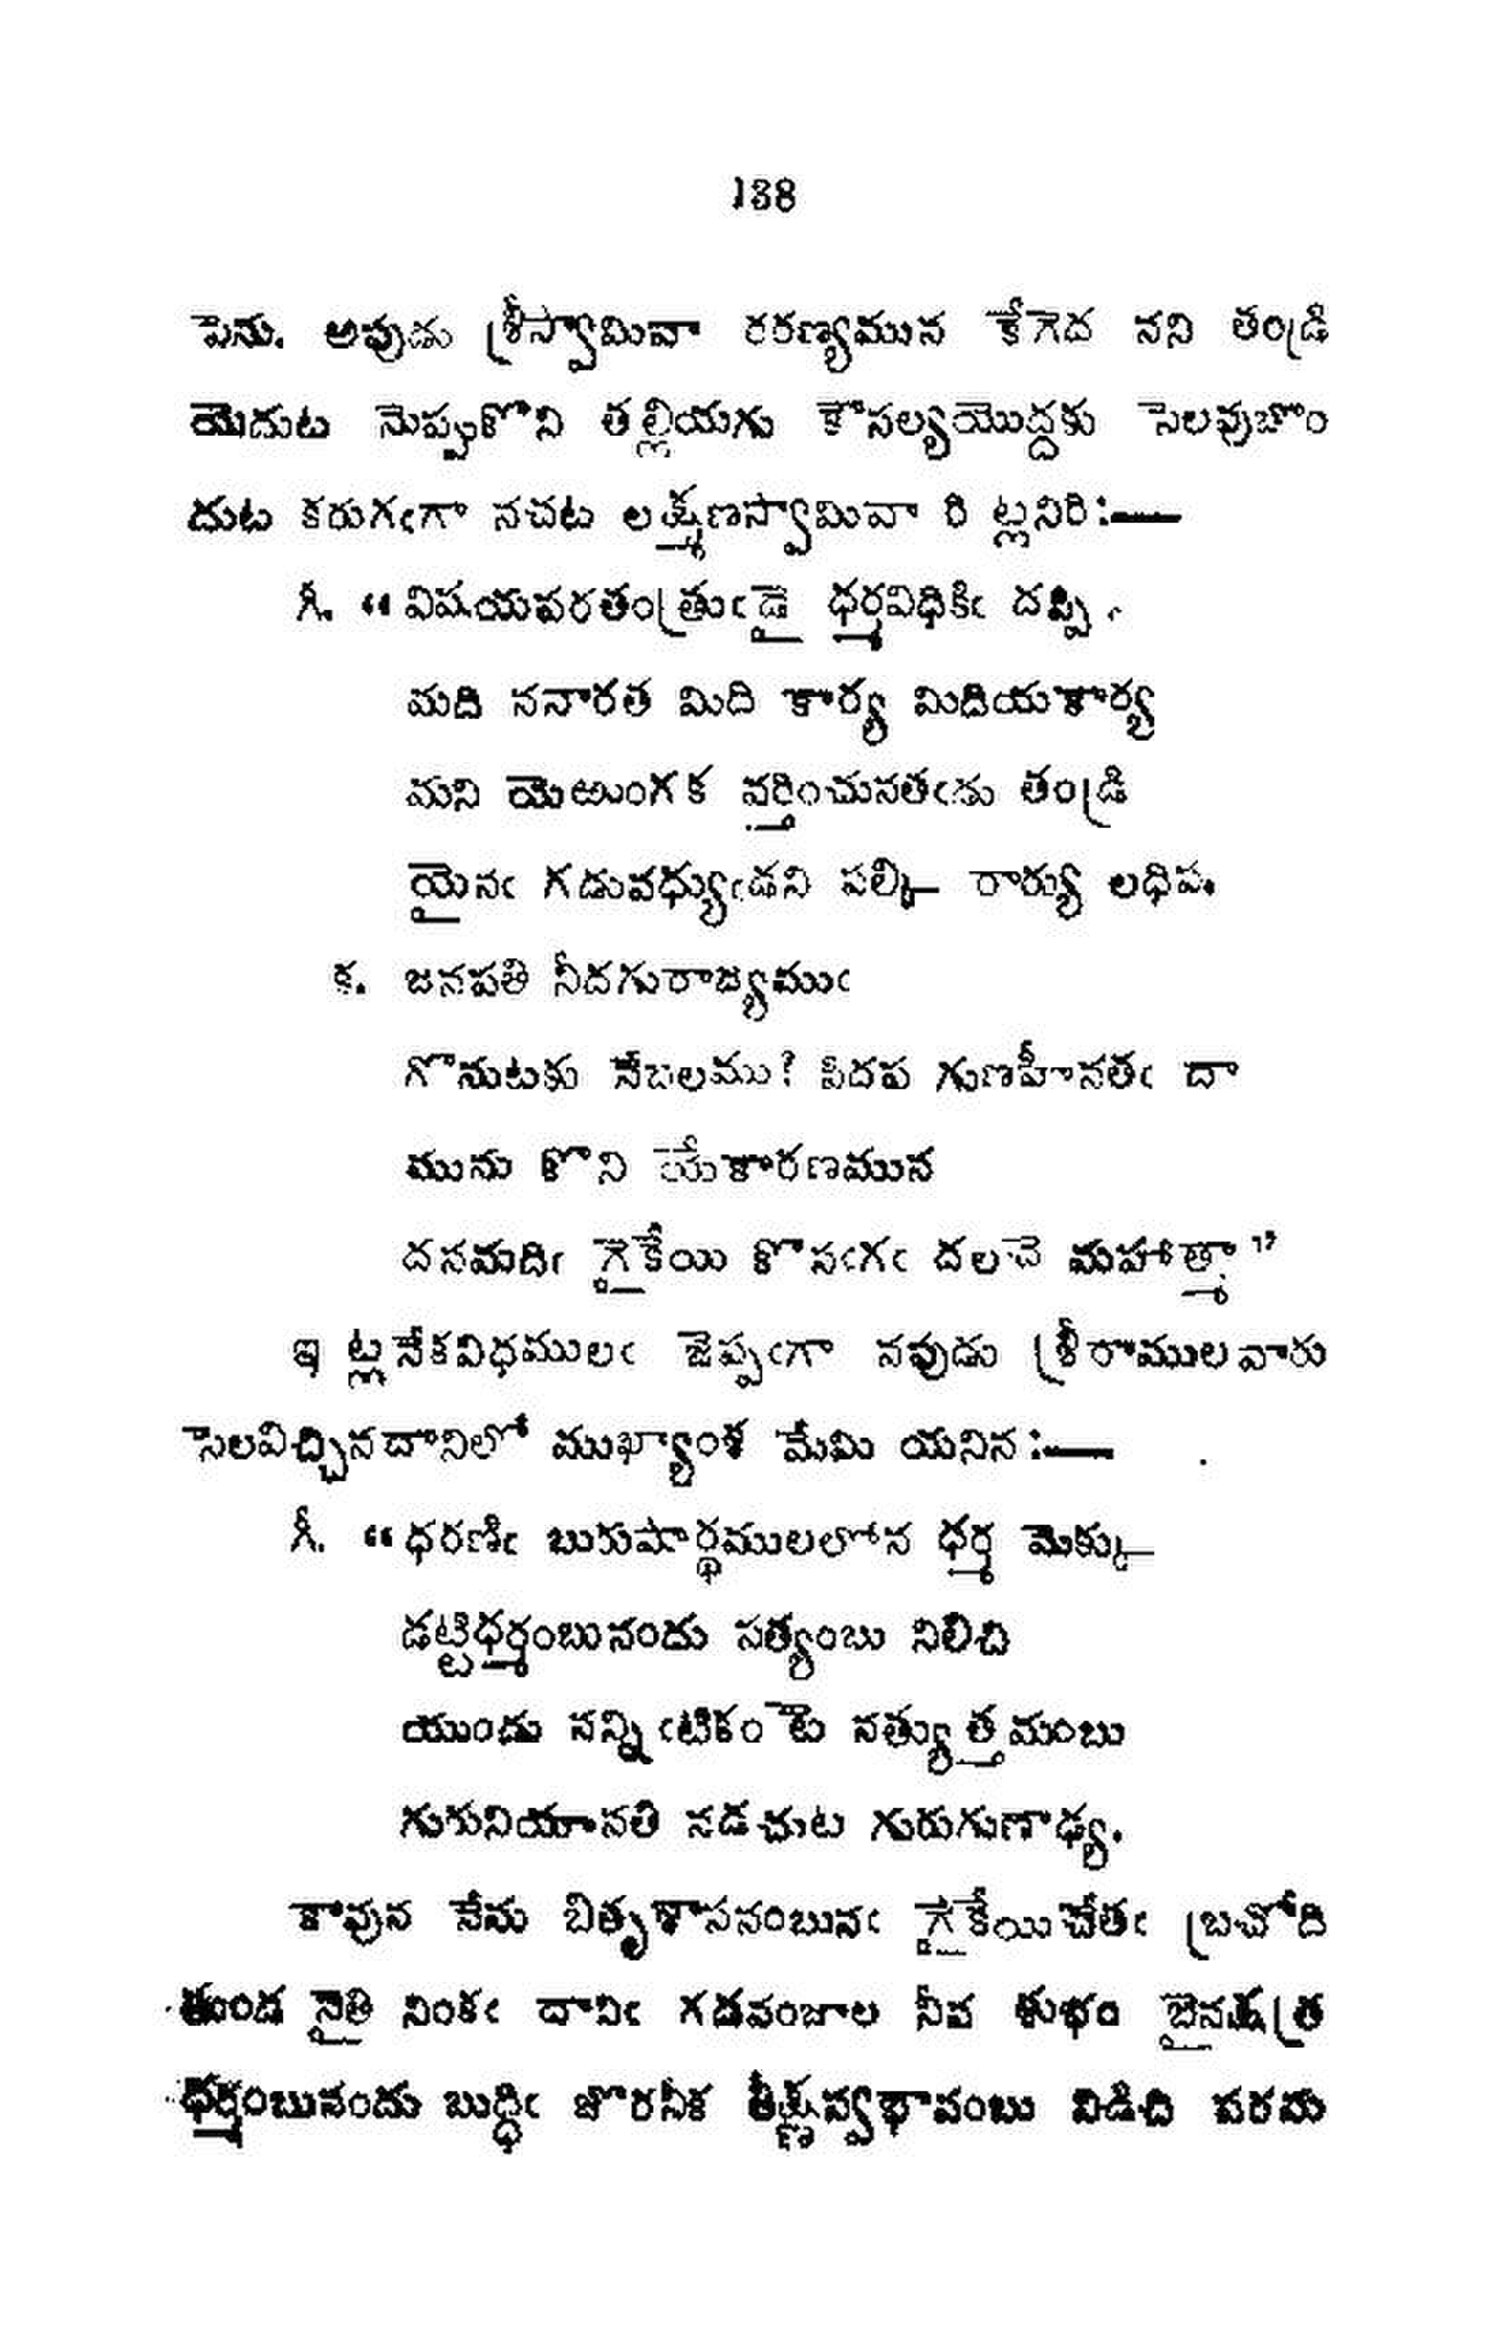పెను. అపుడు శ్రీస్వామివా రరణ్యమున కేగెద నని తండ్రి యెదుట నొప్పుకొని తల్లియగు కౌసల్యయొద్దకు సెలవుబొందుట కరుగఁగా నచట లక్ష్మణస్వామివా రి ట్లనిరి:-

గీ. "విషయపరతంత్రుఁడై ధర్మవిధికిఁ దప్పి 
 మది ననారత మిది కార్య మిదియకార్య
 మని యెఱుంగక వర్తించునతఁడు తండ్రి
 యైనఁ గడువధ్యుఁడని పల్కి రార్యు లధిప.

క. జనపతి నీదగురాజ్యముఁ
 గొనుటకు నేబలము? పిదప గుణహీనతఁ దా
 మును కొని యేకారణమున
 దనమదిఁ గైకేయి కొసఁగఁ దలచె మహాత్మా!
ఇట్లనేకవిధములఁ జెప్పఁగా నపుడు శ్రీరాములవారు సెలవిచ్చినదానిలో ముఖ్యాంశ మేమి యనిన :--

గీ. "ధరణిఁ బురుషార్ధములలోన ధర్మ మెక్కు
 డట్టిధర్మంబునందు సత్యంబు నిలిచి
 యుండు నన్నిఁటికంటె నత్యుత్తమంబు
 గురునియానతి నడచుట గురుగుణాఢ్య.
కావున నేను బితృశాసనంబునఁ గైకేయిచేతఁ బ్రచోదితండ నైతి నింకఁ దానిఁ గడవంజాల నీవ శుభం బైనక్షత్ర ధర్మంబునందు బుద్ధిఁ జొరనీక తీక్ష్ణస్వభావంబు విడిచి పరమ